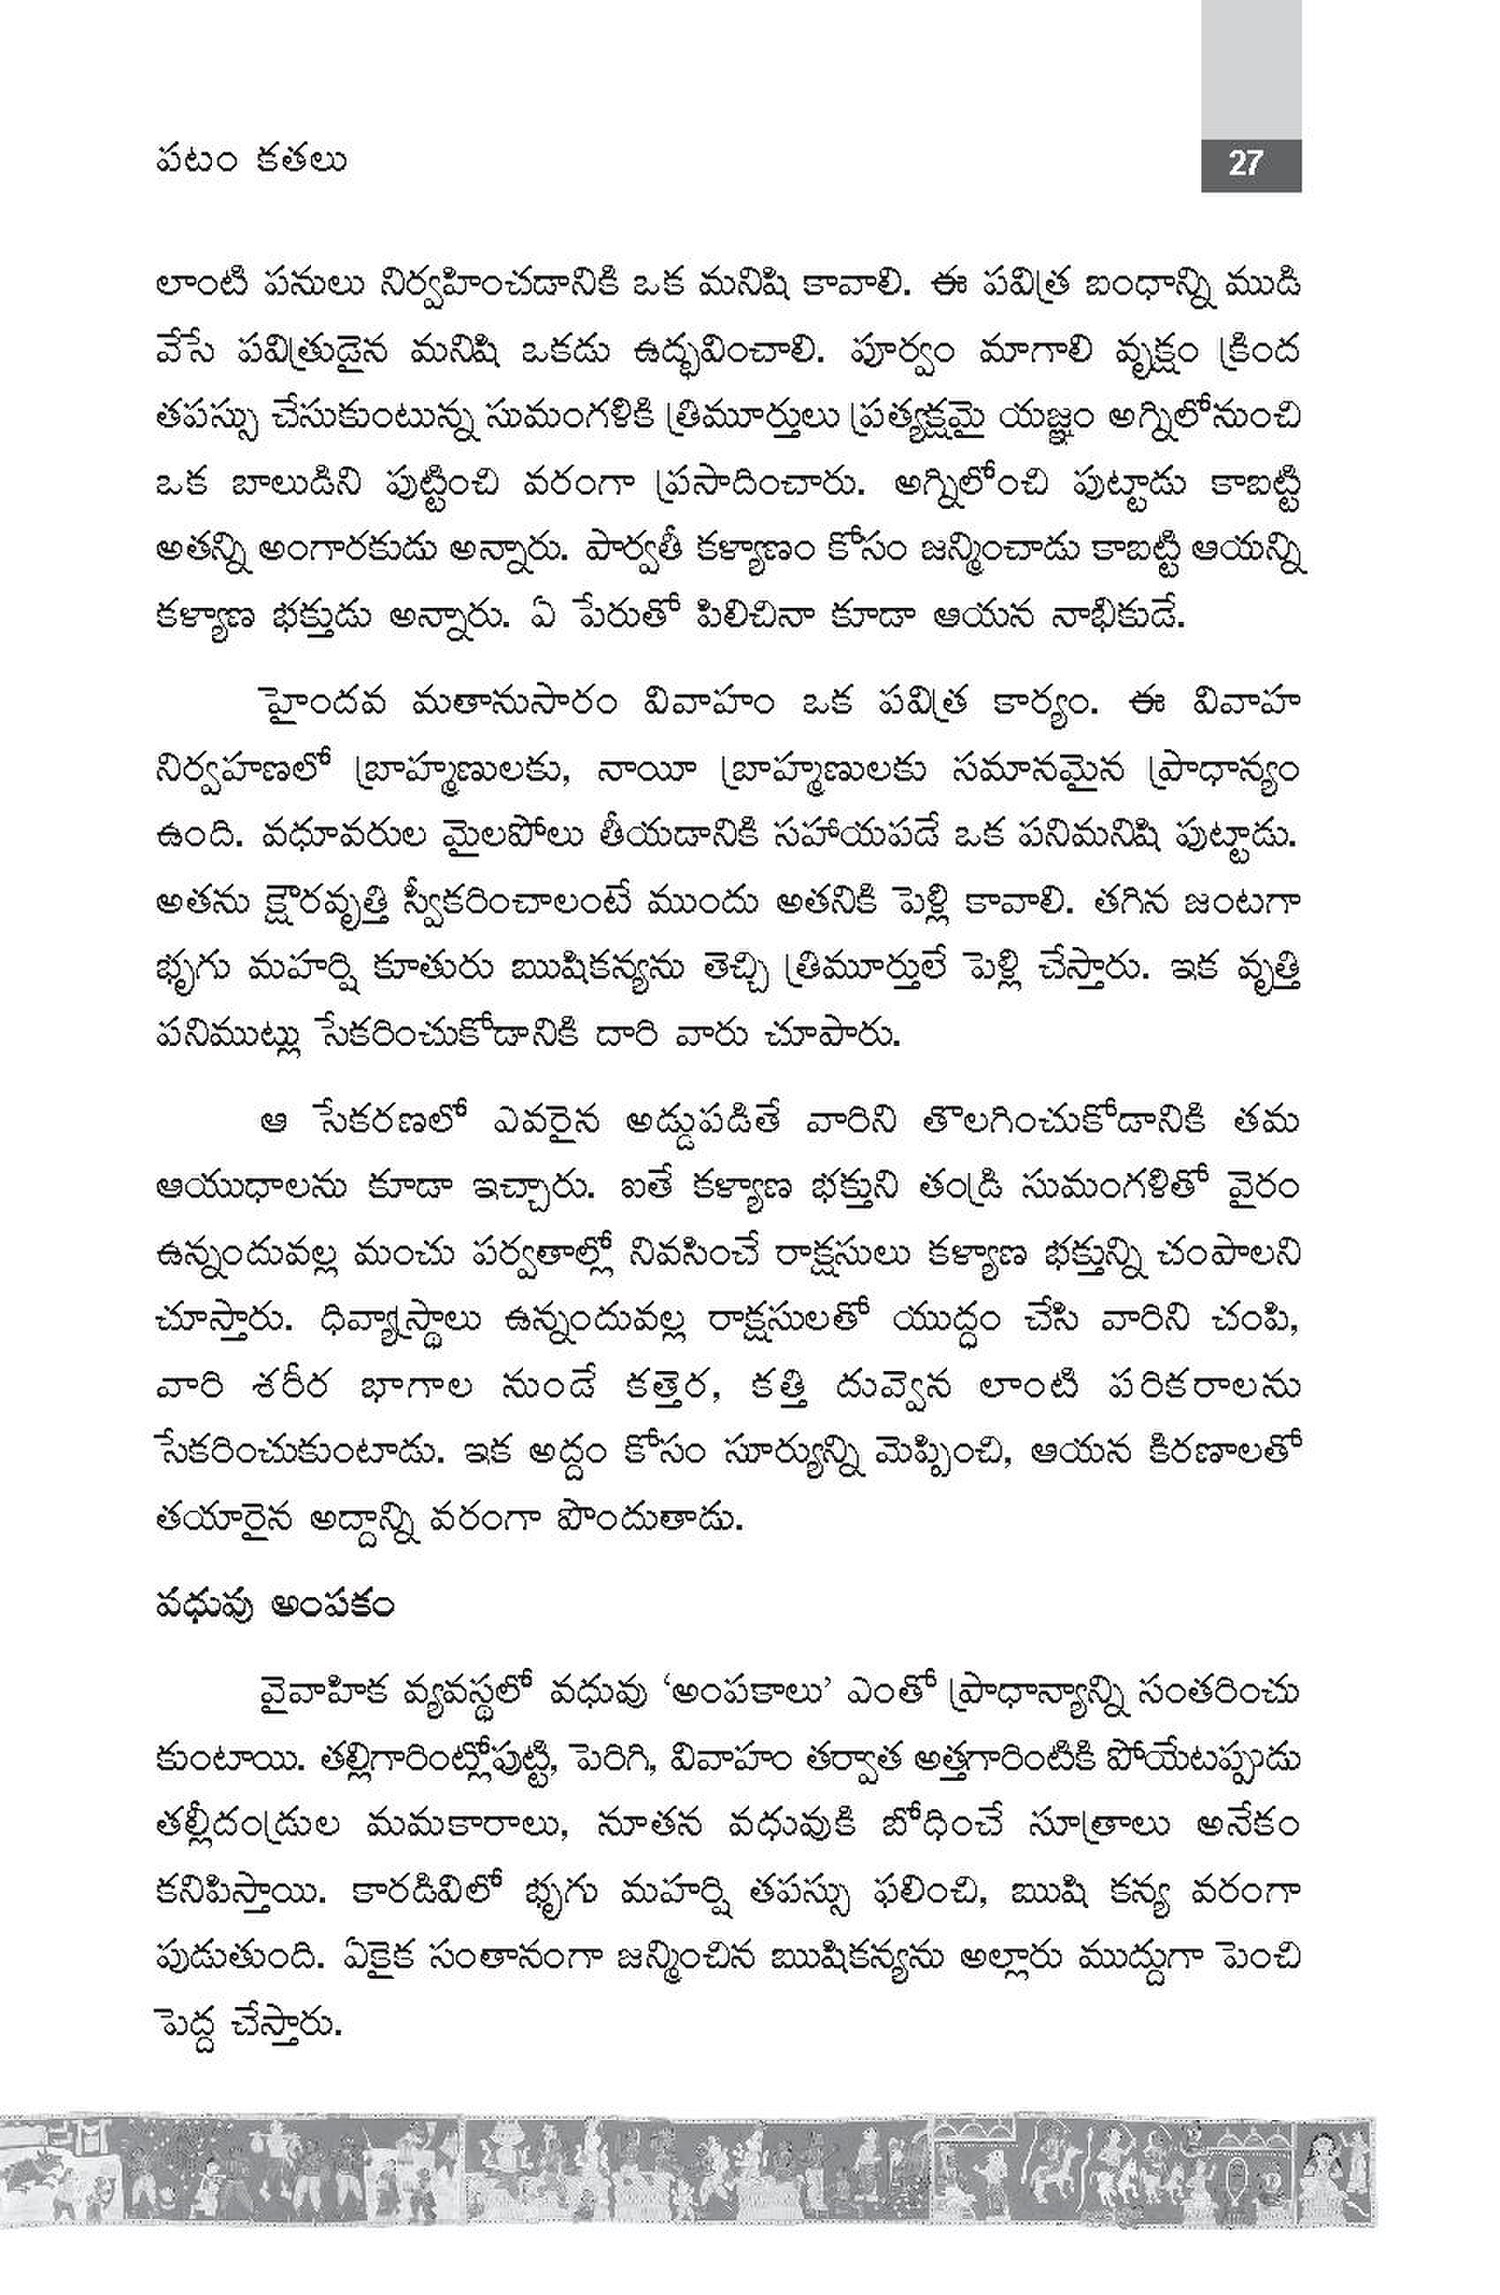లాంటి పనులు నిర్వహించడానికి ఒక మనిషి కావాలి. ఈ పవిత్ర బంధాన్ని ముడివేసే పవిత్రుడైన మనిషి ఒకడు ఉద్భవించాలి. పూర్వం మాగాలి వృక్షం క్రింద తపస్సు చేసుకుంటున్న సుమంగళికి త్రిమూర్తులు ప్రత్యక్షమై యజ్ఞం అగ్నిలోనుంచి ఒక బాలుడిని పుట్టించి వరంగా ప్రసాదించారు. అగ్నిలోంచి పుట్టాడు కాబట్టి అతన్ని అంగారకుడు అన్నారు. పార్వతీ కళ్యాణం కోసం జన్మించాడు కాబట్టి ఆయన్ని కళ్యాణ భక్తుడు అన్నారు. ఏ పేరుతో పిలిచినా కూడా ఆయన నాభికుడే.

హైందవ మతానుసారం వివాహం ఒక పవిత్ర కార్యం. ఈ వివాహ నిర్వహణలో బ్రాహ్మణులకు, నాయీ బ్రాహ్మణులకు సమానమైన ప్రాధాన్యం ఉంది. వధూవరుల మైలపోలు తీయడానికి సహాయపడే ఒక పనిమనిషి పుట్టాడు. అతను క్షౌరవృత్తి స్వీకరించాలంటే ముందు అతనికి పెళ్లి కావాలి. తగిన జంటగా భృగు మహర్షి కూతురు ఋషికన్యను తెచ్చి త్రిమూర్తులే పెళ్లి చేస్తారు. ఇక వృత్తి పనిముట్లు సేకరించుకోడానికి దారి వారు చూపారు.

ఆ సేకరణలో ఎవరైన అడ్డుపడితే వారిని తొలగించుకోడానికి తమ ఆయుధాలను కూడా ఇచ్చారు. ఐతే కళ్యాణ భక్తుని తండ్రి సుమంగళితో వైరం ఉన్నందువల్ల మంచు పర్వతాల్లో నివసించే రాక్షసులు కళ్యాణ భక్తున్ని చంపాలని చూస్తారు. దివ్యాస్త్రాలు ఉన్నందువల్ల రాక్షసులతో యుద్ధం చేసి వారిని చంపి, వారి శరీర భాగాల నుండే కత్తెర, కత్తి దువ్వెన లాంటి పరికరాలను సేకరించుకుంటాడు. ఇక అద్దం కోసం సూర్యున్ని మెప్పించి, ఆయన కిరణాలతో తయారైన అద్దాన్ని వరంగా పొందుతాడు.

వధువు అంపకం 

వైవాహిక వ్యవస్థలో వధువు 'అంపకాలు' ఎంతో ప్రాధాన్యాన్ని సంతరించు కుంటాయి. తల్లిగారింట్లో పుట్టి, పెరిగి, వివాహం తర్వాత అత్తగారింటికి పోయేటప్పుడు తల్లీదండ్రుల మమకారాలు, నూతన వధువుకి బోధించే సూత్రాలు అనేకం
కనిపిస్తాయి. కారడివిలో భృగు మహర్షి తపస్సు ఫలించి, ఋషి కన్య వరంగా పుడుతుంది. ఏకైక సంతానంగా జన్మించిన ఋషికన్యను అల్లారు ముద్దుగా పెంచి పెద్ద చేస్తారు.